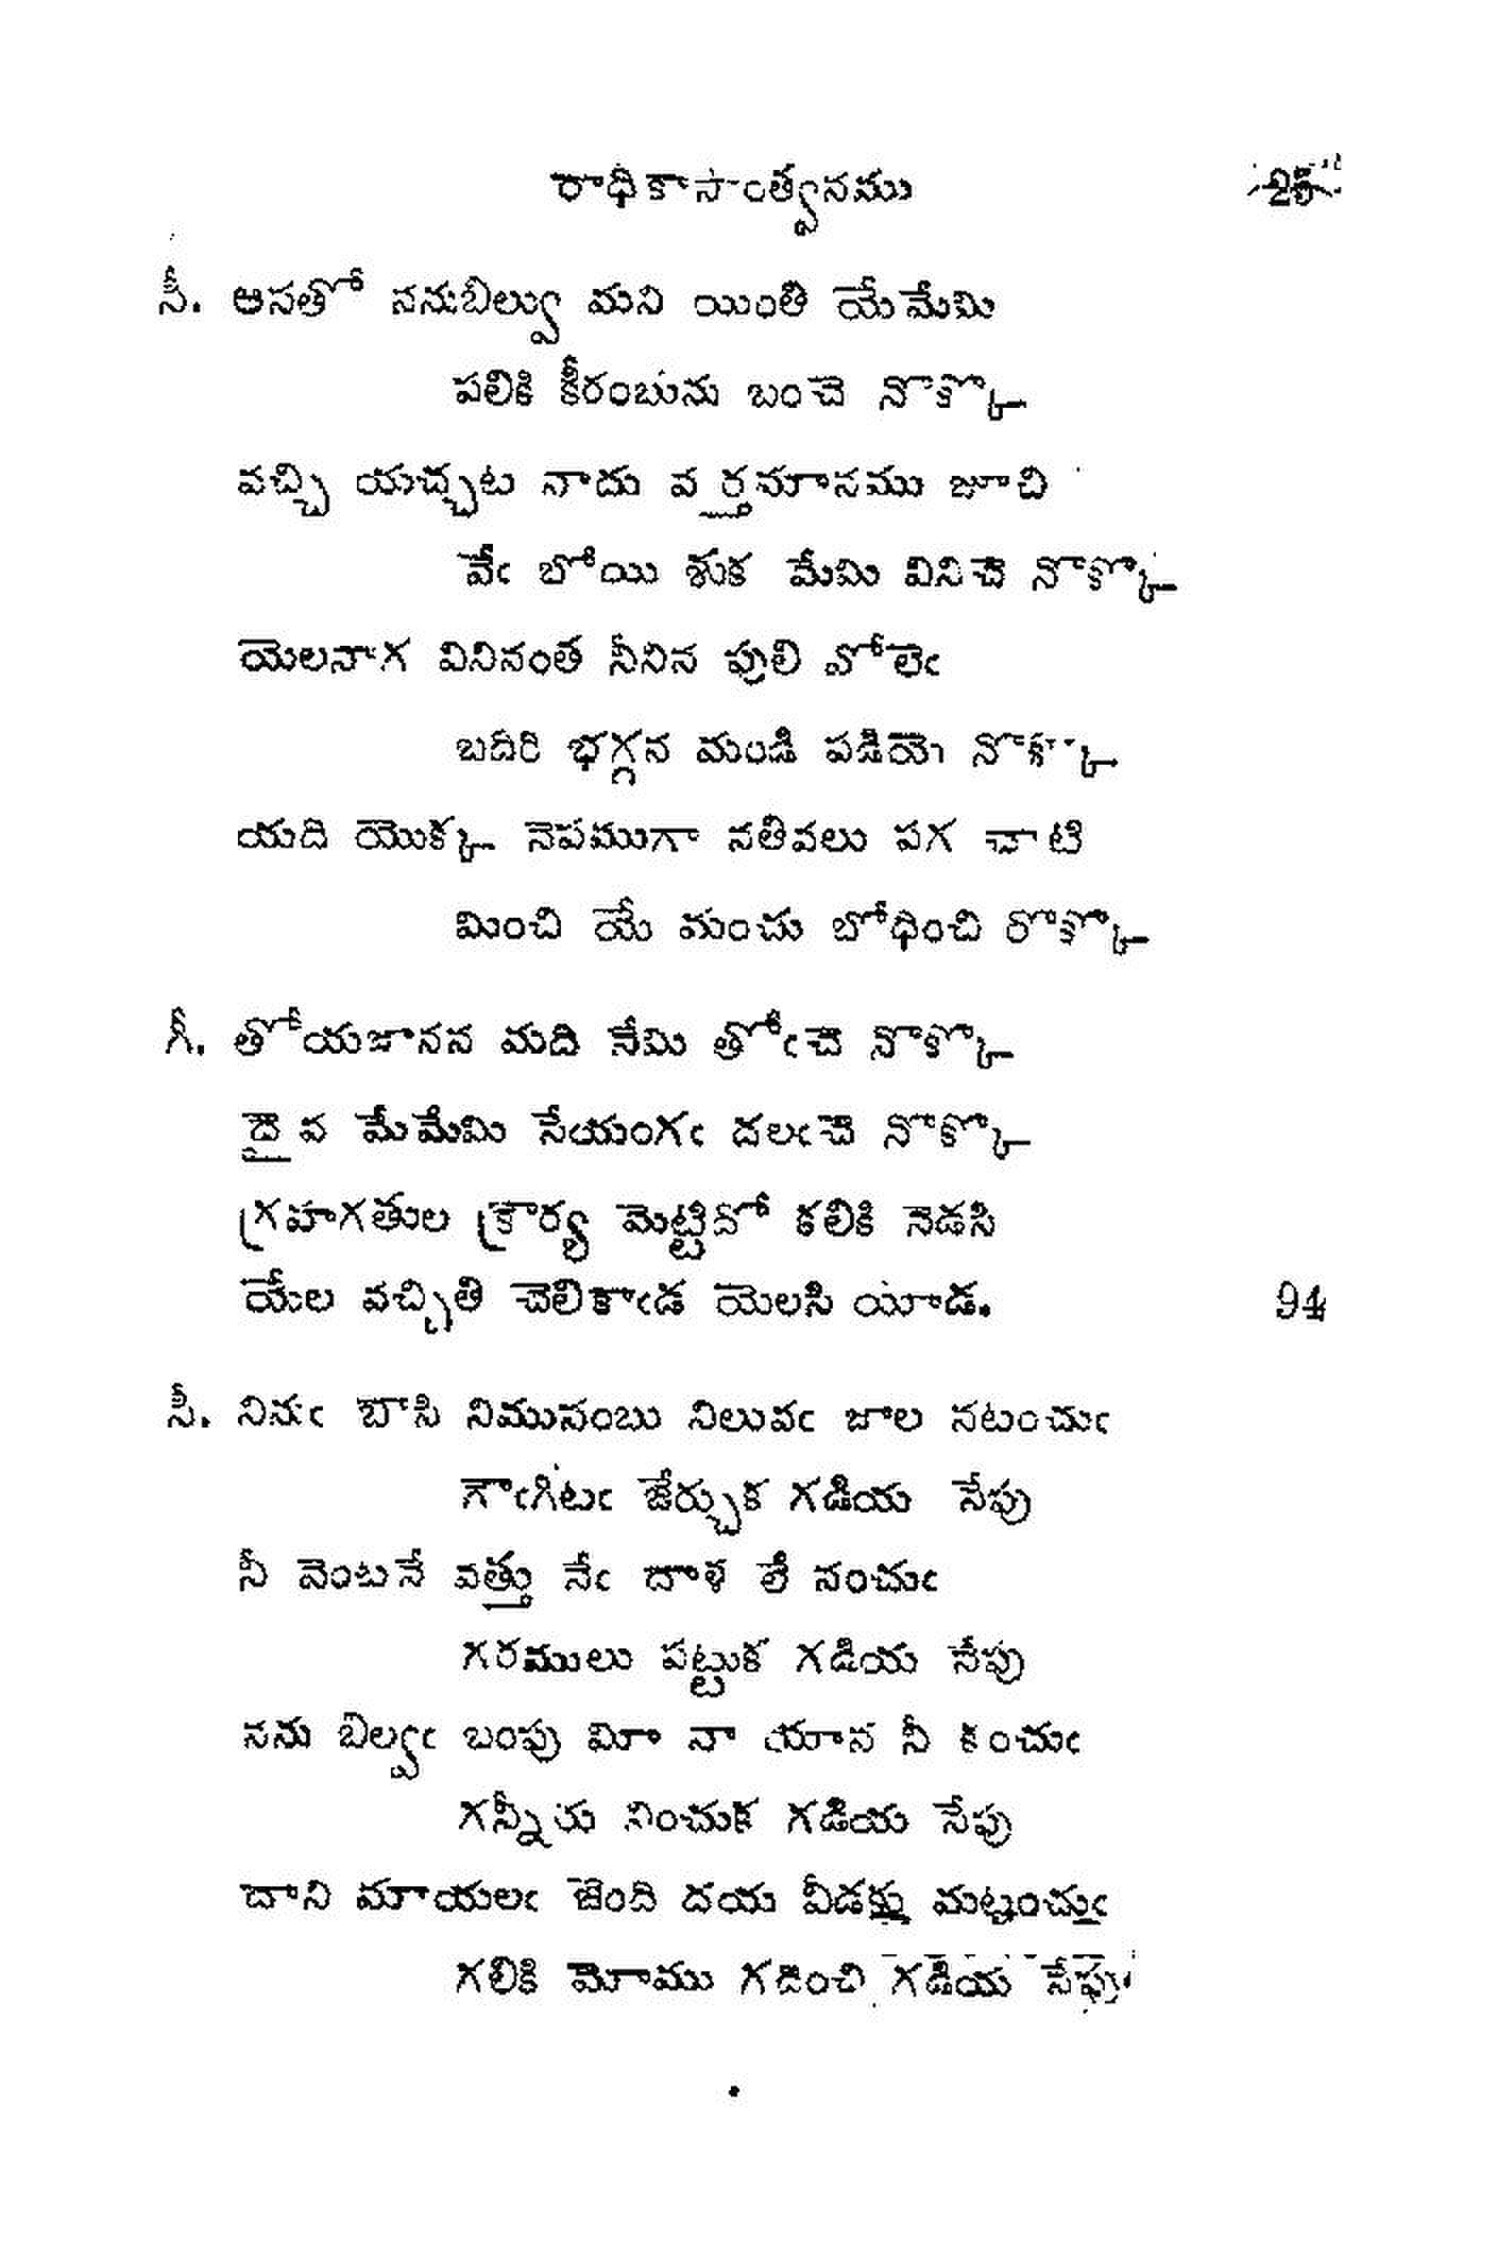సీ. ఆసతో నను బిల్వు మని యింతి యేమేమి
పలికి కీరంబును బంచె నొక్కొ
వచ్చి యచ్చట నాదు వర్తమానము జూచి
వేఁ బోయి శుక మేమి వినిచె నొక్కొ
యెలనాగ వినినంత నీనిన పులి వోలెఁ
బదిరి భగ్గన మండిపడియె నొక్కొ
యది యొక్క నెపముగా నతివలు పగ చాటి
మించి యే మంచు బోధించి రొక్కొ
గీ. తోయజానన మది నేమి తోఁచె నొక్కొ
దైవ మేమేమి సేయంగఁ దలఁచె నొక్కొ
గ్రహగతులక్రౌర్య మెట్టిదో కలికి నెడసి
యేల వచ్చితి చెలికాఁడ యెలసి యీడ. 94

సీ. నినుఁ బాసి నిముసంబు నిలువఁజాల నటంచుఁ
గౌఁగిటఁ జేర్చుక గడియ సేపు
నీ వెంటనే వత్తు నేఁ దాళలే నంచుఁ
గరములు పట్టుక గడియ సేపు
నను బిల్వఁ బంపుమీ నాయాన నీ కంచుఁ
గన్నీరు నించుక గడియ సేపు
దాని మాయలఁ జెంది దయ వీడకు మటంచుఁ
గలికి మోము గదించి గడియ సేపు